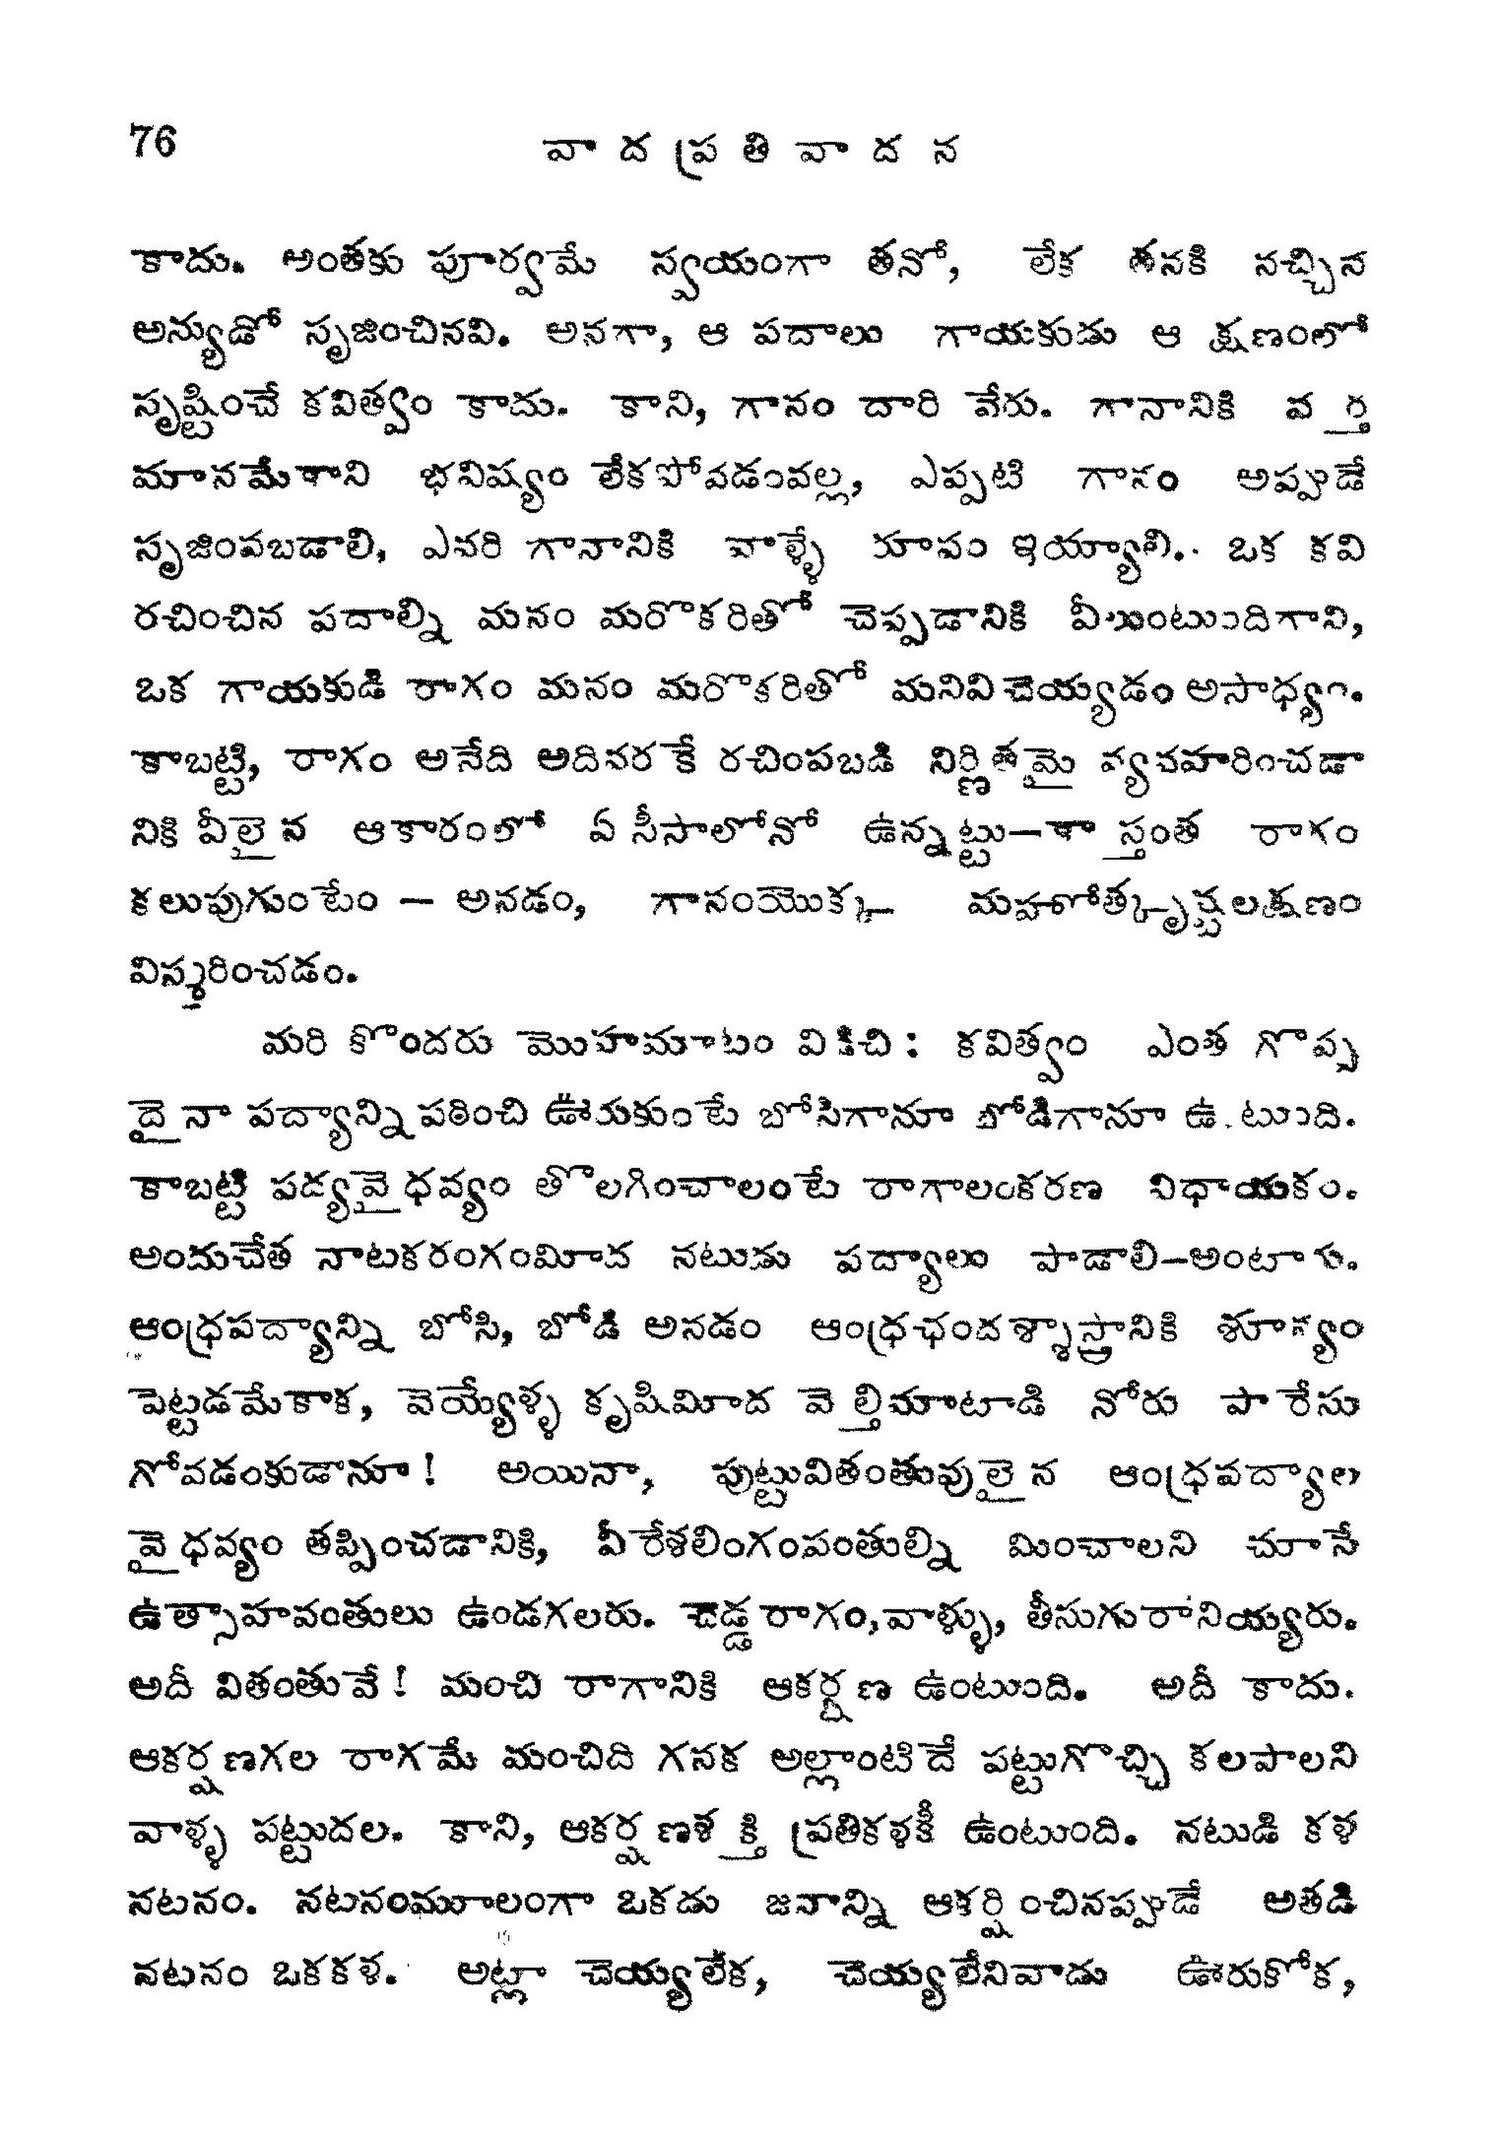కాదు. అంతకు పూర్వమే స్వయంగా తనో, లేక తనకి నచ్చిన
అన్యుడో సృజించినవి. అనగా, ఆ పదాలు గాయకుడు ఆ క్షణంలో
సృష్టించే కవిత్వం కాదు. కాని, గానం దారి వేరు. గానానికి వర్త
మానమేకాని భవిష్యం లేకపోవడంవల్ల, ఎప్పటి గానం అప్పుడే
సృజింపబడాలి, ఎవరి గానానికి వాళ్ళే రూపం ఇయ్యాలి. ఒక కవి
రచించిన పదాల్ని మనం మరొకరితో చెప్పడానికి వీలుంటుందిగాని,
ఒక గాయకుడి రాగం మనం మరొకరితో మనివిచెయ్యడం అసాధ్యం.
కాబట్టి, రాగం అనేది అదివరకే రచింపబడి నిర్ణితమై వ్యవహరించడా
నికి వీలైన ఆకారంలో ఏ సీసాలోనో ఉన్నట్టు - కాస్తంత రాగం
కలుపుగుంటేం - అనడం, గానంయొక్క మహోత్కృష్టలక్షణం
విస్మరించడం.

మరి కొందరు మొహమాటం విడిచి : కవిత్వం ఎంత గొప్ప
దైనా పద్యాన్ని పఠించి ఊరుకుంటే బోసిగానూ బోడిగానూ ఉంటుంది.
కాబట్టి పద్యవైధవ్యం తొలగించాలంటే రాగాలంకరణ విధాయకం.
అందుచేత నాటకరంగంమీద నటుడు పద్యాలు పాడాలి-అంటారు.
ఆంధ్రపద్యాన్ని బోసి, బోడి అనడం ఆంధ్రఛందశ్శాస్త్రానికి శూన్యం
పెట్టడమేకాక, వెయ్యేళ్ళ కృషిమీద వెల్తిమాటాడి నోరు పారేసు
గోవడంకుడానూ! అయినా, పుట్టువితంతువులైన ఆంధ్రపద్యాల
వైధవ్యం తప్పించడానికి, వీరేశలింగంపంతుల్ని మించాలని చూసే
ఉత్సాహవంతులు ఉండగలరు. చెడ్డరాగం, వాళ్ళు, తీసుగురానియ్యరు.
అదీ వితంతువే! మంచి రాగానికి ఆకర్షణ ఉంటుంది. అదీ కాదు.
ఆకర్షణగల రాగమే మంచిది గనక అల్లాంటిదే పట్టుగొచ్చి కలపాలని
వాళ్ళ పట్టుదల. కాని, ఆకర్షణశక్తి ప్రతికళకీ ఉంటుంది. నటుడి కళ
నటనం. నటనంమూలంగా ఒకడు జనాన్ని ఆకర్షించినప్పుడే అతడి
నటనం ఒకకళ. అట్లా చెయ్యలేక, చెయ్యలేనివాడు ఊరుకోక,